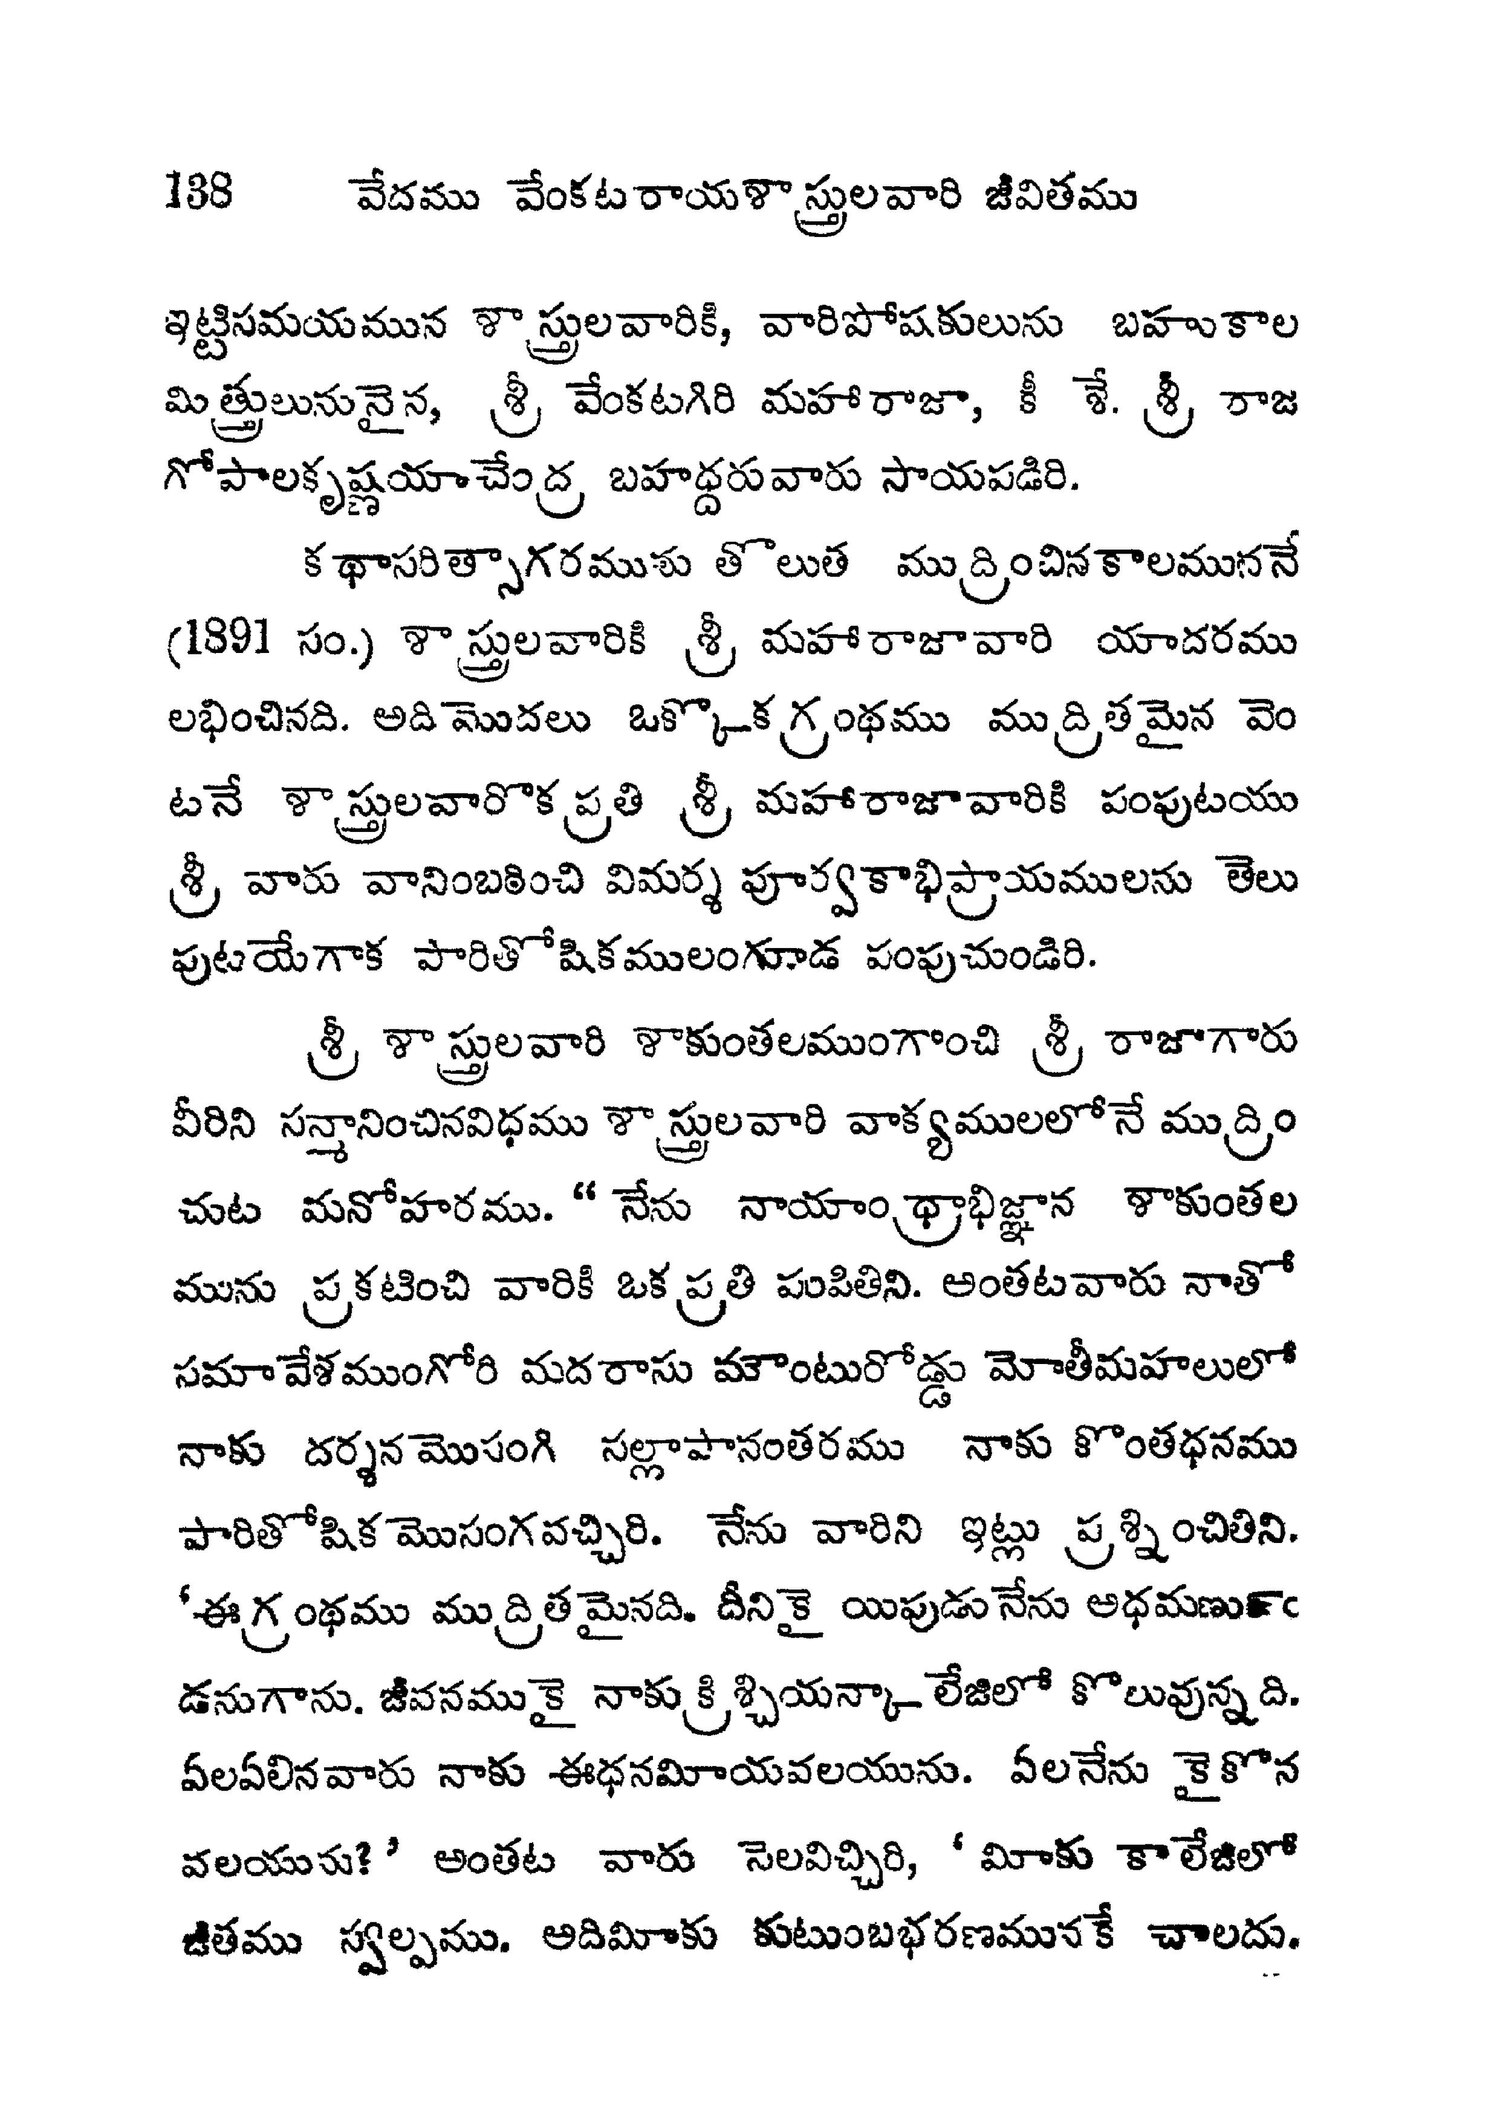ఇట్టిసమయమున శాస్త్రులవారికి, వారిపోషకులును బహుకాల మిత్త్రులునునైన, శ్రీ వేంకటగిరి మహారాజా, కీ.శే. శ్రీ రాజగోపాలకృష్ణయాచేంద్ర బహద్దరువారు సాయపడిరి.

కథాసరిత్సాగరమును తొలుత ముద్రించినకాలముననే (1891 సం.) శాస్త్రులవారికి శ్రీ మహారాజావారి యాదరము లభించినది. అదిమొదలు ఒక్కొకగ్రంథము ముద్రితమైన వెంటనే శాస్త్రులవారొకప్రతి శ్రీ మహారాజావారికి పంపుటయు శ్రీ వారు వానింబఠించి విమర్శ పూర్వకాభిప్రాయములను తెలుపుటయేగాక పారితోషికములంగూడ పంపుచుండిరి.

శ్రీ శాస్త్రులవారి శాకుంతలముంగాంచి శ్రీ రాజాగారు వీరిని సన్మానించిన విధము శాస్త్రులవారి వాక్యములలోనే ముద్రించుట మనోహరము. "నేను నాయాంథ్రాభిజ్ఞాన శాకుంతలమును ప్రకటించి వారికి ఒకప్రతి పంపితిని. అంతటవారు నాతో సమావేశముంగోరి మదరాసు మౌంటురోడ్డు మోతీమహలులో నాకు దర్శనమొసంగి సల్లాపానంతరము నాకు కొంతధనము పారితోషిక మొసంగవచ్చిరి. నేను వారిని ఇట్లు ప్రశ్నించితిని. 'ఈగ్రంథము ముద్రితమైనది. దీనికై యిపుడునేను అధమణున్ండనుగాను. జీవనమునకై నాకు క్రిశ్చియన్కాలేజిలో కొలువున్నది. ఏలఏలినవారు నాకు ఈధనమీయవలయును. ఏలనేను కైకొనవలయును?' అంతట వారు సెలవిచ్చిరి, 'మీకు కాలేజిలో జీతము స్వల్పము. అదిమీకు కుటుంబభరణమునకే చాలదు.